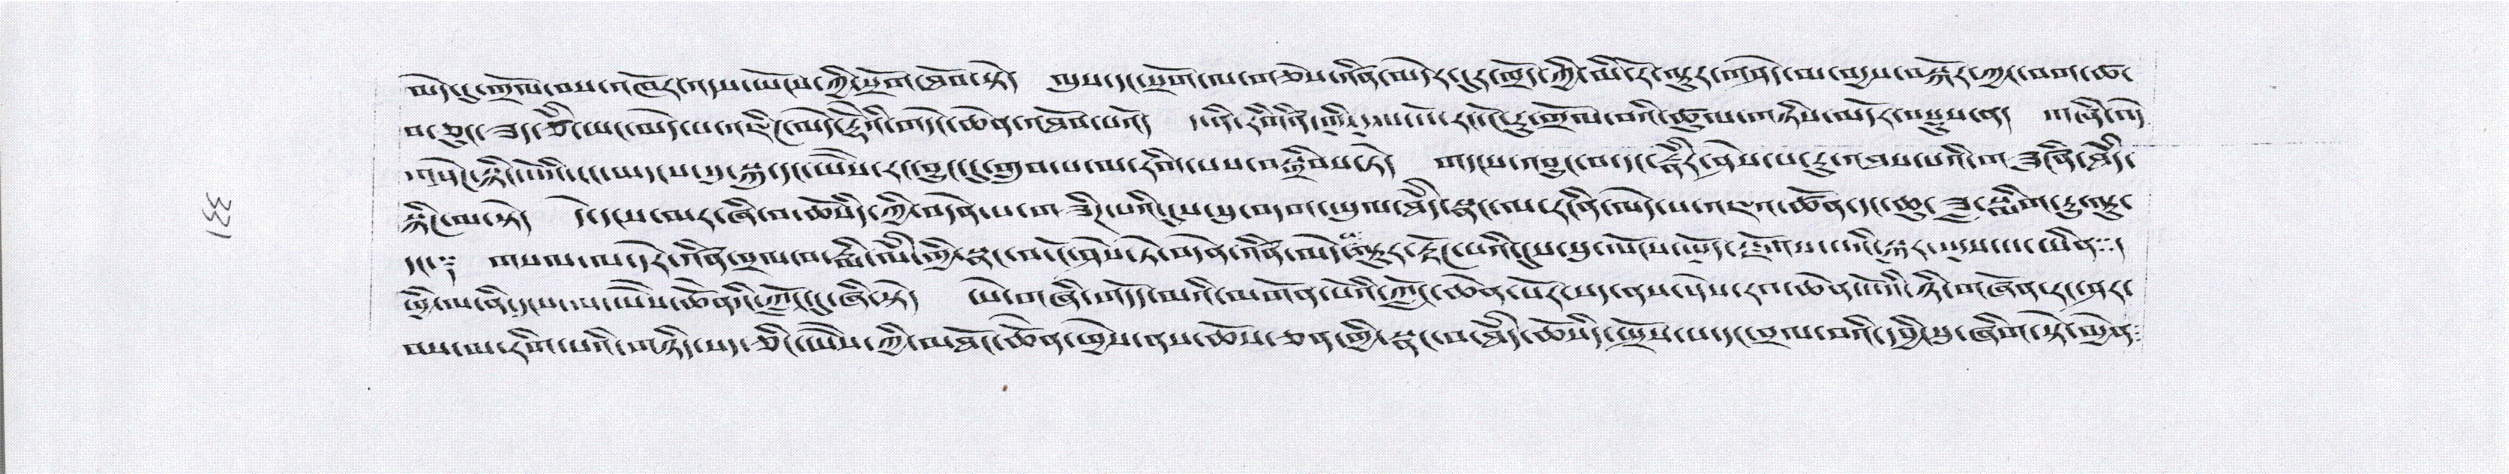མེད་དུ་གྲོལ་བས་འཁོར་འདས་ཡོངས་ཀྱི་སྲོག་ཐོབ་སྟེ། ལུས་དང་སྲོག་ལ་གཅེས་འཛིན་མེད་པར་དུར་ཁྲོད་ཀྱི་མི་རོ་ལྟ་བུར་གཤེད་མ་བརྒྱས་བསྐོར་ཀྱང་བག་ཚ་
བ་ཅུང་ཟད་ཙམ་ཡང་མེད་པ་འཇིགས་མེད་རྡོ་རྗེའི་གདེང་ཆེན་འཐོབ་པའོ། ད་ནི་རིག་འཛིན་གྱི་རྒྱལ་པོ་རང་ངོ་རུ་གྲོལ་བའི་ཚུལ་གཉིས་མདོར་བསྡུས་ན། གཞི་བདེ་
གཤེགས་སྙིང་པོའི་ངང་མདངས་སུ་སྐུ་དང་ཡེ་ཤེས་རང་བྱུང་དུ་གྲུབ་པ་མ་རིག་པས་བསྒྲིབས་ཏེ། གདངས་འབྱུང་བ་དང་རྣམ་པར་ཤེས་པ་རུ་འཐས་པའི་གཟུང་འཛིན་ཐམས་ཅད་
སྙིགས་མ་སྟེ། དེ་དངས་མར་ཞི་བ་ཆོས་ཉིད་ཀྱི་བདེན་པ་གཟིགས་པའི་དུས་སུ་བདག་ཡུལ་ཐམས་ཅད་སྣང་ལ་རང་བཞིན་མེད་པ་འཇའ་ཚོན་དང་ཆུ་ཟླ་སྨིག་རྒྱུ་ལྟ་བུ་
དང། གསལ་ལ་དེར་འཛིན་བྲལ་བ་རྨི་ལམ་གྱི་སྣང་བ་ངོ་ཤེས་ཏེ་བདེན་འཛིན་མེད་པ་ལྟ་བུར་རྟོགས་པའི་དུས་སུ་ལོངས་སྤྱོད་རྫོགས་པའི་སྐུར་སངས་རྒྱས་པ་ཡིན། 
ཕྱི་ལ་ནི་དྭངས་ལ་ཡེ་ཤེས་ཆེན་པོའི་ཀློང་དུ་ཞི་སྟེ། ཡེ་གཞི་གདོད་མའི་མགོན་པོའི་ཀློང་ཆེན་པོར་སད་ནས་ཤེས་རབ་ཆེན་པོའི་ཉི་གཞོན་རང་ཤར་
བས་མ་རིག་པའི་གཉིད་སད་ཅིང་ཡེ་ཤེས་ཀྱི་མཐོང་ཆེན་པོ་ཕྱེས་ནས་ཆོས་ཅན་གྱི་སྣང་བ་ཐམས་ཅད་ཆོས་ཉིད་སྤྲོས་པ་དང་བྲལ་བའི་དབྱིངས་སུ་ཞིག་སྟེ་མཁྱེན་